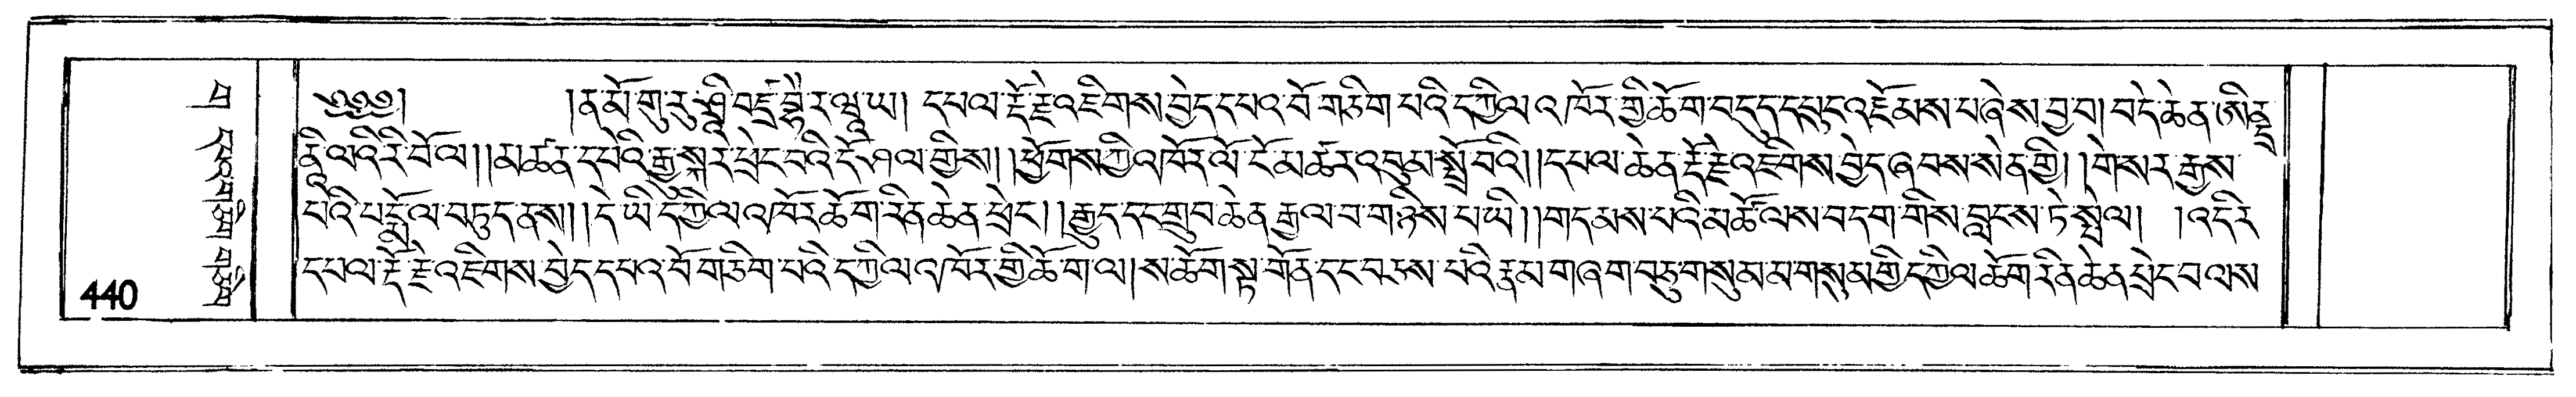༄༅༅། །ན་མོ་གུ་རུ་ཤྲཱི་བཛྲ་བྷཻ་ར་ཝཱ་ཡ། དཔལ་རྡོ་རྗེ་འཇིགས་བྱེད་དཔའ་བོ་གཅིག་པའི་དཀྱིལ་འཁོར་གྱི་ཆོ་ག་བདུད་དཔུང་འཇོམས་པ་ཞེས་བྱ་བ། བདེ་ཆེན་ཨིནྡྲ་
ནཱི་ལའི་རི་བོ་ལ། །མཚན་དཔེའི་རྒྱུ་སྐར་ཕྲེང་བའི་དོ་ཤལ་གྱིས། །ཕྱོགས་ཀྱི་འཁོར་ལོ་ངོ་མཚར་འབུམ་སྤྲོ་བའི། །དཔལ་ཆེན་རྡོ་རྗེ་འཇིགས་བྱེད་ཞབས་སེན་གྱི། །གེ་སར་རྒྱས་
པའི་པདམོ་ལ་བཏུད་ནས། །དེ་ཡི་དཀྱིལ་འཁོར་ཆོ་ག་རིན་ཆེན་ཕྲེང་། །རྒྱུད་དང་གྲུབ་ཆེན་རྒྱལ་བ་གཉིས་པ་ཡི། །གདམས་པའི་མཚོ་ལས་བདག་གིས་བླངས་ཏེ་སྤེལ། །འདིར་
དཔལ་རྡོ་རྗེ་འཇིགས་བྱེད་དཔའ་བོ་གཅིག་པའི་དཀྱིལ་འཁོར་གྱི་ཆོ་ག་ལ། ས་ཆོག་སྟ་གོན་དང་བཅས་པའི་རྣམ་གཞག་བཅུ་གསུམ་མ་གསུམ་གྱི་དཀྱིལ་ཆོག་རིན་ཆེན་ཕྲེང་བ་ལས་